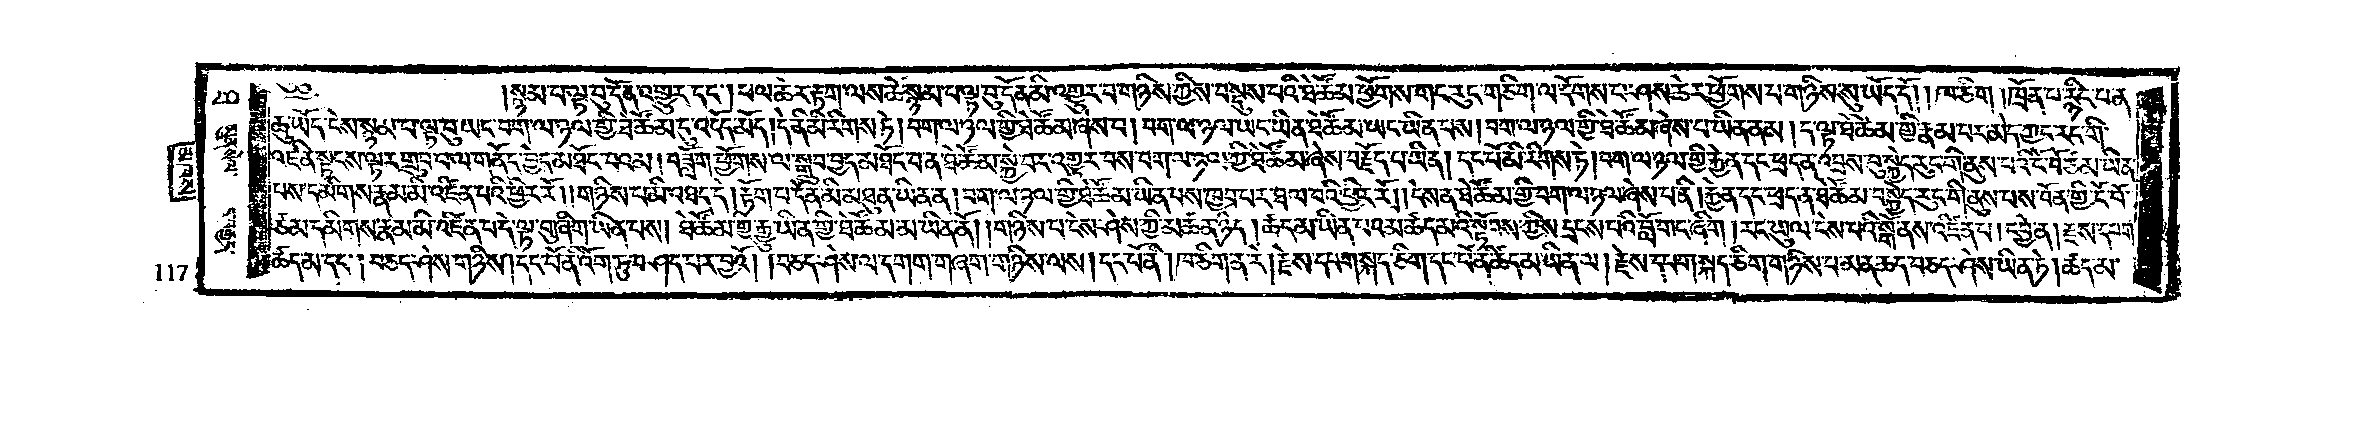༄༅། ། སྙམ་པ་ལྟ་བུ་དོན་འགྱུར་དང་། ཕལ་ཆེར་རྟག་ལས་ཆེ་སྙམ་པ་ལྟ་བུ་དོ་མི་འགྱུར་བ་གཉིས་ཀྱིས་བསྤུས་པའི་ཐེ་ཚོམ་ཕྱོགས་གང་རུང་གཅིག་ལ་ལྡོག་པ་ཤས་ཆེར་ཕྱོགས་པ་གཉིས་སུ་ཡོད་དོ། །ཁ་ཅིག །ཁྲོན་པ་རྙིང་པ་ནི་
ཆུ་ཡོད་ངེས་སྙམ་པ་ལྟ་བུ་ཡང་བག་ལ་ཉལ་གྱི་ཐེ་ཚོམ་དུ་འདོད་མོད། དེ་ནི་མི་རིགས་ཏེ། བག་ལ་ཉལ་གྱི་ཐེ་ཏོསམ་ཞེས་པ། བག་ལ་ཉལ་ཡང་ཡིན་ཐེ་ཚོམ་ཡང་ཡིན་པས། བག་ལ་ཉལ་གྱི་ཐེ་ཚོམ་ཞེས་པ་ཡིན་ནམ། ད་ལྟ་ཐེ་ཚོམ་གྱི་རྣམ་པར་མད་ཀྱང་རང་གི་
འཛིན་སྟངས་ལྟར་གྲུབ་པ་ལ་གནོད་བྱེད་མཐོང་བའམ། བཟློག་ཕྱོགས་ལ་སྒྲུབ་བྱད་མཐོང་བ་ན་ཐེ་ཚོམ་སྐྱེ་བར་འགྱུར་བས་བག་ལ་ཉལ་ཀྱི་ཐེ་ཚོམ་ཞེས་བརྗོད་པ་ཡིན། དང་པོ་མི་རིགས་ཏེ། བག་ལ་ཉལ་གྱི་རྐྱེན་དག་ཕྲད་ན་འབྲས་བུ་སྐྱེད་རུང་གི་ནུས་པའི་ངོ་བོ་ཙམ་ཡིན་
པས་དམིགས་རྣམ་མི་འཛིན་པའི་ཕྱིར་རོ། །གཉིས་པ་མི་འཐད་དེ། རྟོག་པ་དོན་མི་མཐུན་ཡིན་ན། བག་ལ་ཉལ་གྱི་ཐེ་ཚོམ་ཡིན་པས་ཁྱབ་པར་ཐལ་བའི་ཕྱིར་རོ། །དེས་ན་ཐེ་ཚོམ་གྱི་བག་ལ་ཉལ་ཞེས་པ་ནི། རྐྱེན་དང་ཕྲད་ན་ཐེ་ཚོམ་བསྐྱེད་རུང་གི་ནུས་པ་ས་བོན་གྱི་ངོ་བོ་
ཙམ་དམིགས་རྣམ་མི་འཛིན་པ་དེ་ལྟ་བུ་ཞིག་ཡིན་པས། ཐེ་ཚོམ་གྱི་རྒྱུ་ཡིན་གྱི་ཐེ་ཚོམ་མ་ཡིན་ནོ། །གཉིས་པ་ངེས་ཤེས་ཀྱི་མཚན་ཉིད། ཚད་མ་ཡིན་པའང་ཚདམའི་སྟོབས་ཀྱིས་དྲངས་བའི་བློ་གང་ཞིག། རང་ཡུལ་ངེས་པའི་སྒོ་ནས་འཛིན་པ། དབྱེ་ན། རྗེས་དཔག་
ཚད་མ་དང་། བཅད་ཤེས་གཉིས། དང་པོ་ནི་འོག་ཏུ་ཤད་པར་བྱའོ། །བཅད་ཤེས་ལ་དགག་གཞག་གཉིས་ལས། དང་པོ་ནི། ཁ་ཅིག་ན་རེ། རྗེས་དཔག་སྐད་ཅིག་དང་པོ་ནི་ཚད་མ་ཡིན་ལ། རྗེས་དཔག་སྐད་ཅིག་གཉིས་པ་མན་ཆད་བཅད་ཤེས་ཡི་ཏེ། ཚད་མ་